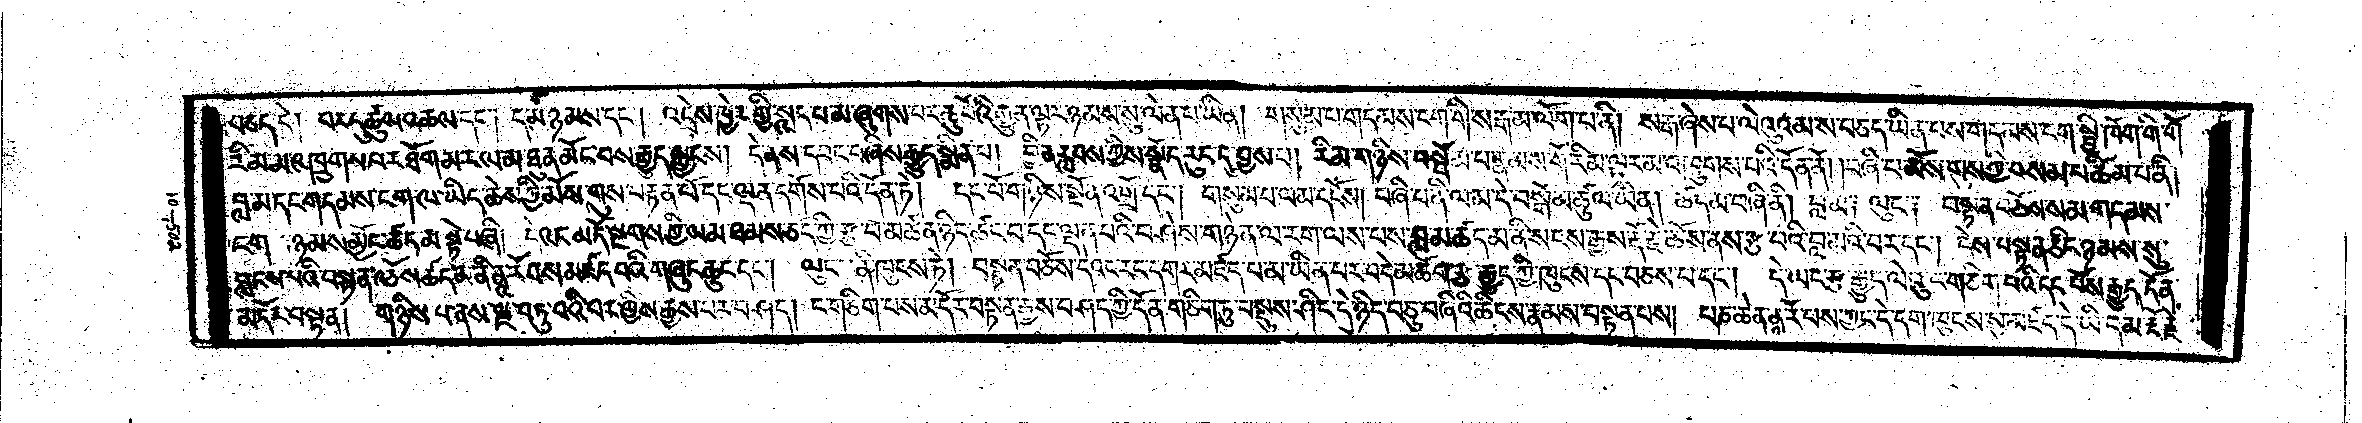བཅད་དེ། བར་དུ་ཚུལ་འཆལ་དང་། དམ་ཉམས་དང་། འདྲེས་ཁྱེར་གྱི་སླད་པ་མ་ཞུགས་པར་ཆུ་བོའི་རྒྱུན་ལྟར་ཉམས་སུ་ལེན་པ་ཡིན། གསུམ་པ་གདམས་ངག་གི་སརྒ་མ་ལོག་པ་ནི། སརྒ་ཞེས་པ་ལེའུའམ་ས་བཅད་ཡིན་པས་གདམས་ངག་སྤྱི་ཁོག་གི་གོ་
རིམ་མ་འཁྲུགས་པར་ཐོག་མར་ལམ་ཐུན་མོང་བས་རྒྱུད་སྦྱངས། དེ་ནས་དབང་བཞིས་རྒྱུད་སྨིན་པ། བྱིན་རླབས་ཀྱིས་སྣོད་རུང་དུ་བྱས་པ། རིམ་གཉིས་བསྒོམ་པ་རྣམས་གོ་རིམ་ལྟར་མ་འཁྲུགས་པའི་དོན་ནོ། །བཞི་པ་མོས་གུས་ཀྱི་བསམ་པ་ཚིམ་པ་ནི།
བླ་མ་དང་གདམས་ངག་ལ་ཡིད་ཆེས་ཀྱི་མོས་གུས་བརྟན་པོ་དང་ལྡན་དགོས་པའི་དོན་ཏེ། དང་པོ་གཉིས་སྔོན་འགྲོ་དང་། གསུམ་པ་ལམ་དངོས། བཞི་པ་ནི་ལམ་དེ་བསྒོམ་ཚུལ་ཡིན། ཚད་མ་བཞི་ནི། བླ་མ༑ ལུང༑ བསྟན་བཅོས་སམ་གདམས་
ངག ༑ཉམས་མྱོང་ཚད་མ་སྟེ་བཞི། དེའང་མདོ་སྔགས་ཀྱི་ལམ་ཐམས་ཅད་ཀྱི་རྩ་བ་མཚན་ཉིད་ཚང་བ་དང་ལྡན་པའི་བཞེས་གཉེན་ལ་རག་ལས་པས་བླ་མ་ཚད་མ་ནི་སངས་རྒྱས་རྡོ་རྗེ་ཆོས་ནས་རྩ་བའི་བླ་མའི་བར་དང་། དེས་བསྟན་ཅིང་ཉམས་སུ་
བླངས་པའི་བསྟན་བཅོས་ཚད་མ་ནི་ནཱ་རོ་པས་མཛད་པའི་གཞུང་ཆུང་དང་། ལུང་ནི་ཁུངས་ཏེ། བསྟན་བཅོས་དེའང་རང་དགར་མཛད་པ་མ་ཡིན་པར་བདེ་མཆོག་རྩ་རྒྱུད་ཀྱི་ཁུངས་དང་བཅས་པ་དང་། དེ་ཡང་རྩ་རྒྱུད་ལེའུ་ང་གཅིག་པའི་དང་པོས་རྒྱུད་དོན་
མདོར་བསྟན། གཉིས་པ་ནས་ལྔ་བཅུ་པའི་བར་གྱིས་རྒྱས་པར་བཤད། ང་གཅིག་པས་མདོར་བསྟན་རྒྱས་བཤད་ཀྱི་དོན་གཅིག་ཏུ་བསྡུས་ཤིང་དེ་ཉིད་བཅུ་བཞིའི་ཆིངས་རྣམས་བསྟན་པས། པཎ་ཆེན་ནཱ་རོ་པས་ཀྱང་དེ་དག་ཁུངས་སུ་མཛད་དེ་ཡི་དམ་རྡོ་རྗེ་